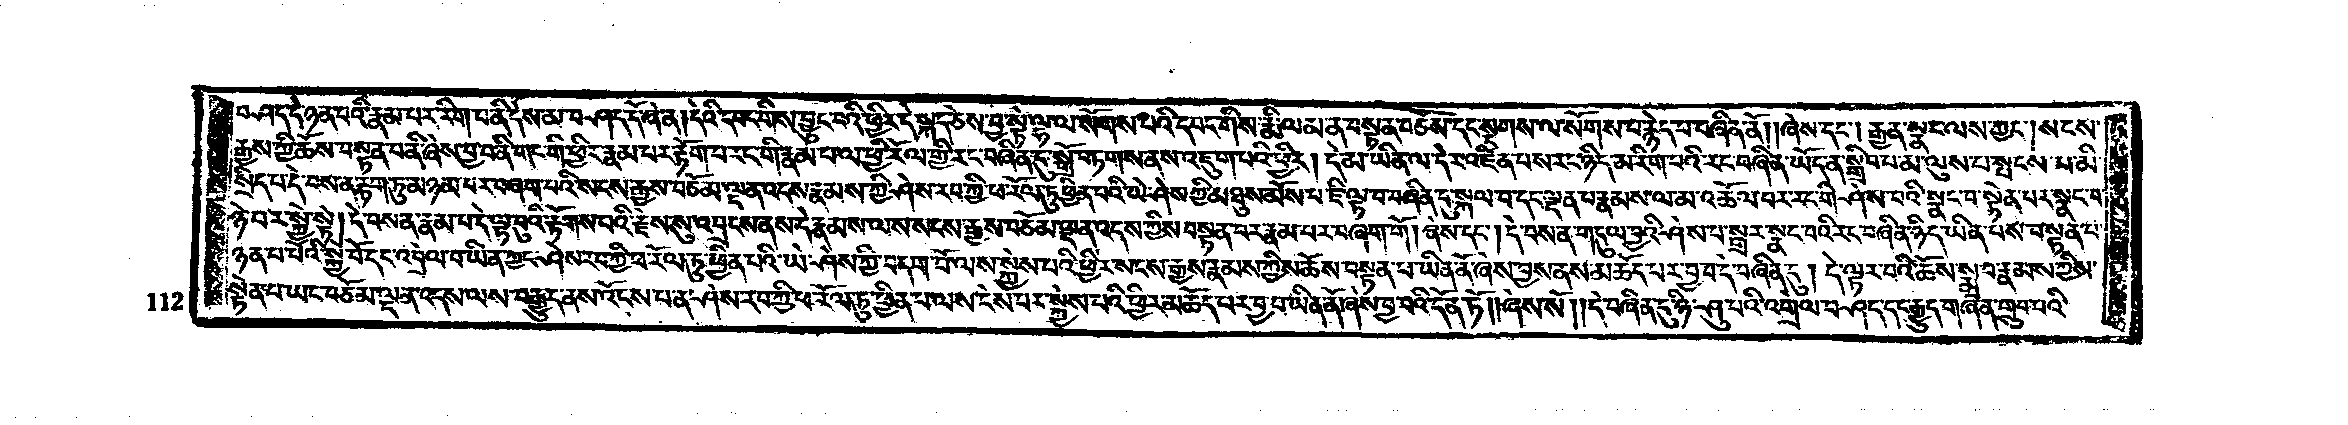བཤད་དེ་ཉན་པའི་རྣམ་པར་རིག་པ་ནི་དེས་མ་བཤད་དོ་ཞེ་ན། དེའི་དབང་གིས་བྱུང་བའི་ཕྱིར་དེ་སྐད་ཅེས་བྱ་སྟེ་ལྷ་ལ་སོགས་པའི་དབང་གིས་རྨི་ལམ་ན་བསྟན་བཅོས་དང་སྔགས་ལ་སོགས་པ་རྙེད་པ་བཞིན་ནོ། །ཞེས་དང་། རྒྱན་སྣང་ལས་ཀྱང་། སངས་
རྒྱས་ཀྱི་ཆོས་བསྟན་པ་ནི་ཞེས་བྱ་བ་ནི་གང་གི་ཕྱིར་རྣམ་པར་རྟོག་པ་རང་གི་རྣམ་པ་ལ་ཕྱི་རོལ་གྱི་རང་བཞིན་དུ་སྒྲོ་བཏགས་ནས་འཇུག་པའི་ཕྱིར། དེ་མ་ཡིན་ལ་དེར་འཛིན་པས་རང་ཉིད་མ་རིག་པའི་རང་བཞིན་ཡོད་ན་སྒྲིབ་པ་མ་ལུས་པ་སྤང་པ་མི་
སྲིད་པ་དེ་བས་ན་རྟག་ཏུ་མཉམ་པར་བཞག་པའི་སངས་རྒྱས་བཅོམ་ལྡན་འདས་རྣམས་ཀྱི་ཤེས་རབ་ཀྱི་ཕ་རོལ་ཏུ་ཕྱིན་པའི་ཡེ་ཤེས་ཀྱི་མཐུས་མོས་པ་ཇི་ལྟ་བ་བཞིན་དུ་སྐལ་པ་དང་ལྡན་པ་རྣམས་ལ་མ་འཆོལ་བར་རང་གི་ཤེས་པའི་སྣང་བ་སྟོན་པར་སྣང་བ་
ཉེ་བར་སྐྱེ་སྟེ། དེ་བས་ན་རྣམ་པ་དེ་ལྟ་བུའི་རྟོགས་པའི་རྗེས་སུ་འབྲངས་ནས་དེ་རྣམས་ལས་སངས་རྒྱས་བཅོམ་ལྡན་འདས་ཀྱིས་བསྟན་པར་རྣམ་པར་བཞག་གོ །ཞེས་དང་། དེ་བས་ན་གདུལ་བྱའི་ཤེས་པ་སྒྲར་སྣང་བའི་རང་བཞིན་ཉིད་ཡིན་པས་བསྟན་པ་
ཉན་པ་པོའི་སྐྱེ་བོ་དང་འབྲེལ་བ་ཡིན་ཀྱང་ཤེས་རབ་ཀྱི་ཕ་རོལ་ཏུ་ཕྱིན་པའི་ཡེ་ཤེས་ཀྱི་བདག་པོ་ལས་སྐྱེས་པའི་ཕྱིར་སངས་རྒྱས་རྣམས་ཀྱིས་ཆོས་བསྟན་པ་ཡིན་ནོ་ཞེས་བྱས་ནས་མཆོད་པར་བྱ་བ་དེ་བཞིན་དུ། ད་ལྟར་བའི་ཆོས་སྨྲ་བ་རྣམས་ཀྱིས་
སྟོན་པ་ཡང་བཅོམ་ལྡན་འདས་ལས་བརྒྱུད་ནས་འོངས་པ་ན་ཤེས་རབ་ཀྱི་ཕ་རོལ་ཏུ་ཕྱིན་པ་ལས་ངེས་པར་སྐྱེས་པའི་ཕྱིར་མཆོད་པར་བྱ་བ་ཡིན་ནོ་ཞེས་བྱ་བའི་དོན་ཏོ། །ཞེས་སོ། །དེ་བཞིན་དུ་ཉི་ཤུ་པའི་འགྲེལ་བཤད་དང་རྒྱུད་གཞན་གྲུབ་པའི་